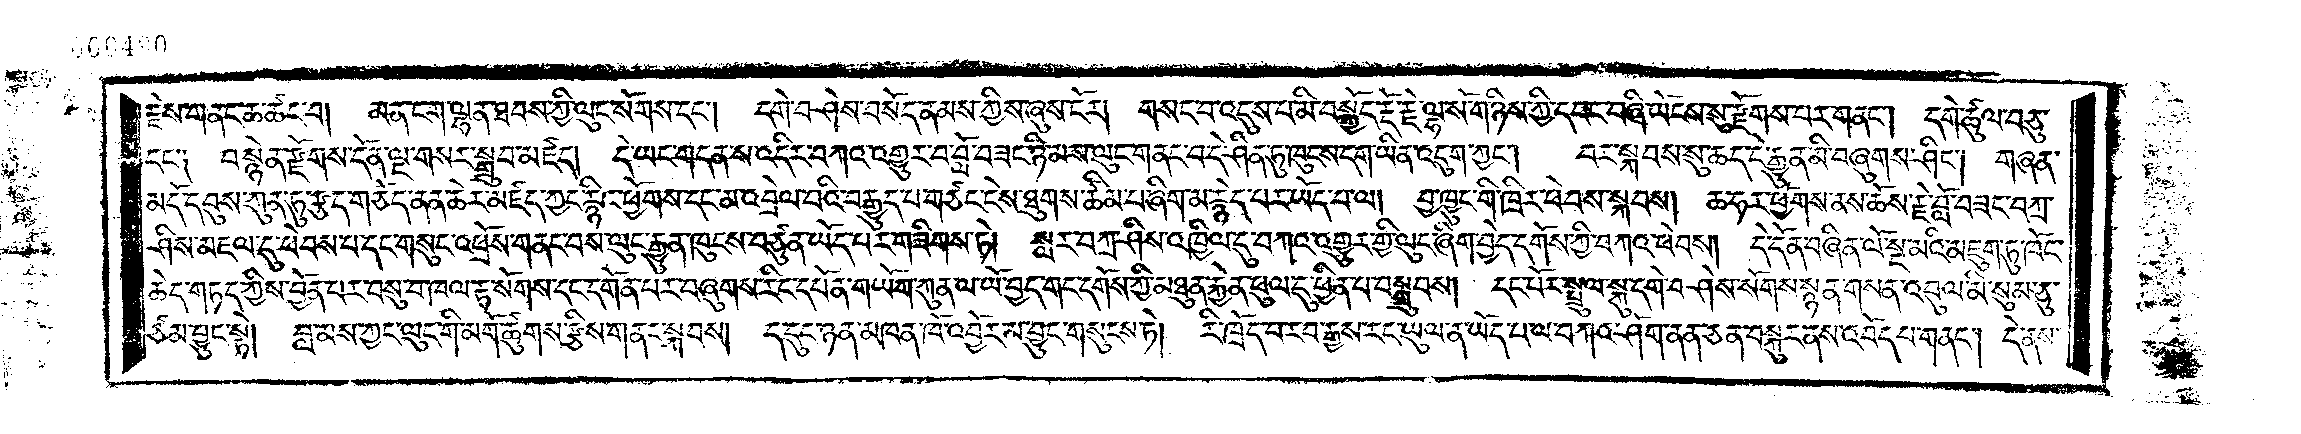རྗེས་གནང་ཆ་ཚང་བ། མན་ངག་ལྷན་ཐབས་ཀྱི་ལུང་སོགས་དང་། དགེ་བཤེས་བསོད་ནམས་ཀྱིས་ཞུས་ངོར། གསང་བ་འདུས་པ་མི་བསྐྱོད་རྡོ་རྗེ་ལྷ་སོ་གཉིས་ཀྱི་དབང་བཞི་ཡོངས་སུ་རྫོགས་པར་གནང་། དགེ་ཚུལ་བཅུ་
དང༑ བསྙེན་རྫོགས་དོན་ལྔ་གསར་སྒྲུབ་མཛད། དེ་ཡང་གདན་ས་འདིར་བཀའ་འགྱུར་བ་བློ་བཟང་ཉི་མས་ལུང་གནང་བ་དེ་ཤིན་ཏུ་ཁུངས་དག་ཡིན་འདུག་ཀྱང་། བར་སྐབས་སུ་ཆད་དེ་རྒྱུན་མི་བཞུགས་ཤིང་། གཞན་
མདོ་དབུས་ཀུན་ཏུ་རྩད་གཅོད་ནན་ཆེར་མཛད་ཀྱང་རྙིང་ཕྱོགས་དང་མ་འབྲེལ་བའི་བརྒྱུད་པ་གཙང་ངེས་ཐུགས་ཚིམ་པ་ཞིག་མ་རྙེད་པར་ཡོད་པ་ལ། བྱ་ཁྱུང་གི་ཁྲིར་ཕེབས་སྐབས། ཆ་ཧར་ཕྱོགས་ནས་ཆོས་རྗེ་བློ་བཟང་བཀྲ་
ཤིས་མཇལ་དུ་ཕེབས་པ་དང་གསུང་འཕྲོས་གནང་བས་ལུང་རྒྱུན་ཁུངས་བཙུན་ཡོད་པར་གཟིགས་ཏེ། སླར་བཀྲ་ཤིས་འཁྱིལ་དུ་བཀའ་འགྱུར་གྱི་ལུང་ཞིག་བྱེད་དགོས་ཀྱི་བཀའ་ཕེབས། དེ་དོན་བཞིན་ལོ་སྔ་མའི་མཇུག་ཏུ་ཁོང་
ཆེད་གཏད་ཀྱིས་བྱོན་པར་བསུ་བ་ཁལ་རྟ་སོགས་དང་དགོན་པར་བཞུགས་རིང་དཔོན་གཡོག་ཀུན་ལ་ཡོ་བྱད་གང་དགོས་ཀྱི་མཐུན་རྐྱེན་ཕུལ་དུ་ཕྱིན་པ་བསྒྲུབས། དང་པོར་སྤྲུལ་སྐུ་དགེ་བཤེས་སོགས་སྙན་གསན་འབུལ་མི་སུམ་ཅུ་
ཙམ་བྱུང་སྟེ། བླ་མས་ཀྱང་ལུང་གི་མགོ་ཚུགས་རྩིས་གནང་སྐབས། ད་དུང་ཉན་མཁན་ཁོ་འབྱོར་མ་བྱུང་གསུངས་ཏེ། རི་ཁྲོད་པ་རབ་རྒྱས་རང་ཡུལ་ན་ཡོད་པ་ལ་བཀའ་ཤོག་ནན་ཅན་བསྐུར་ནས་འབོད་པ་གནང་། དེ་ནས་